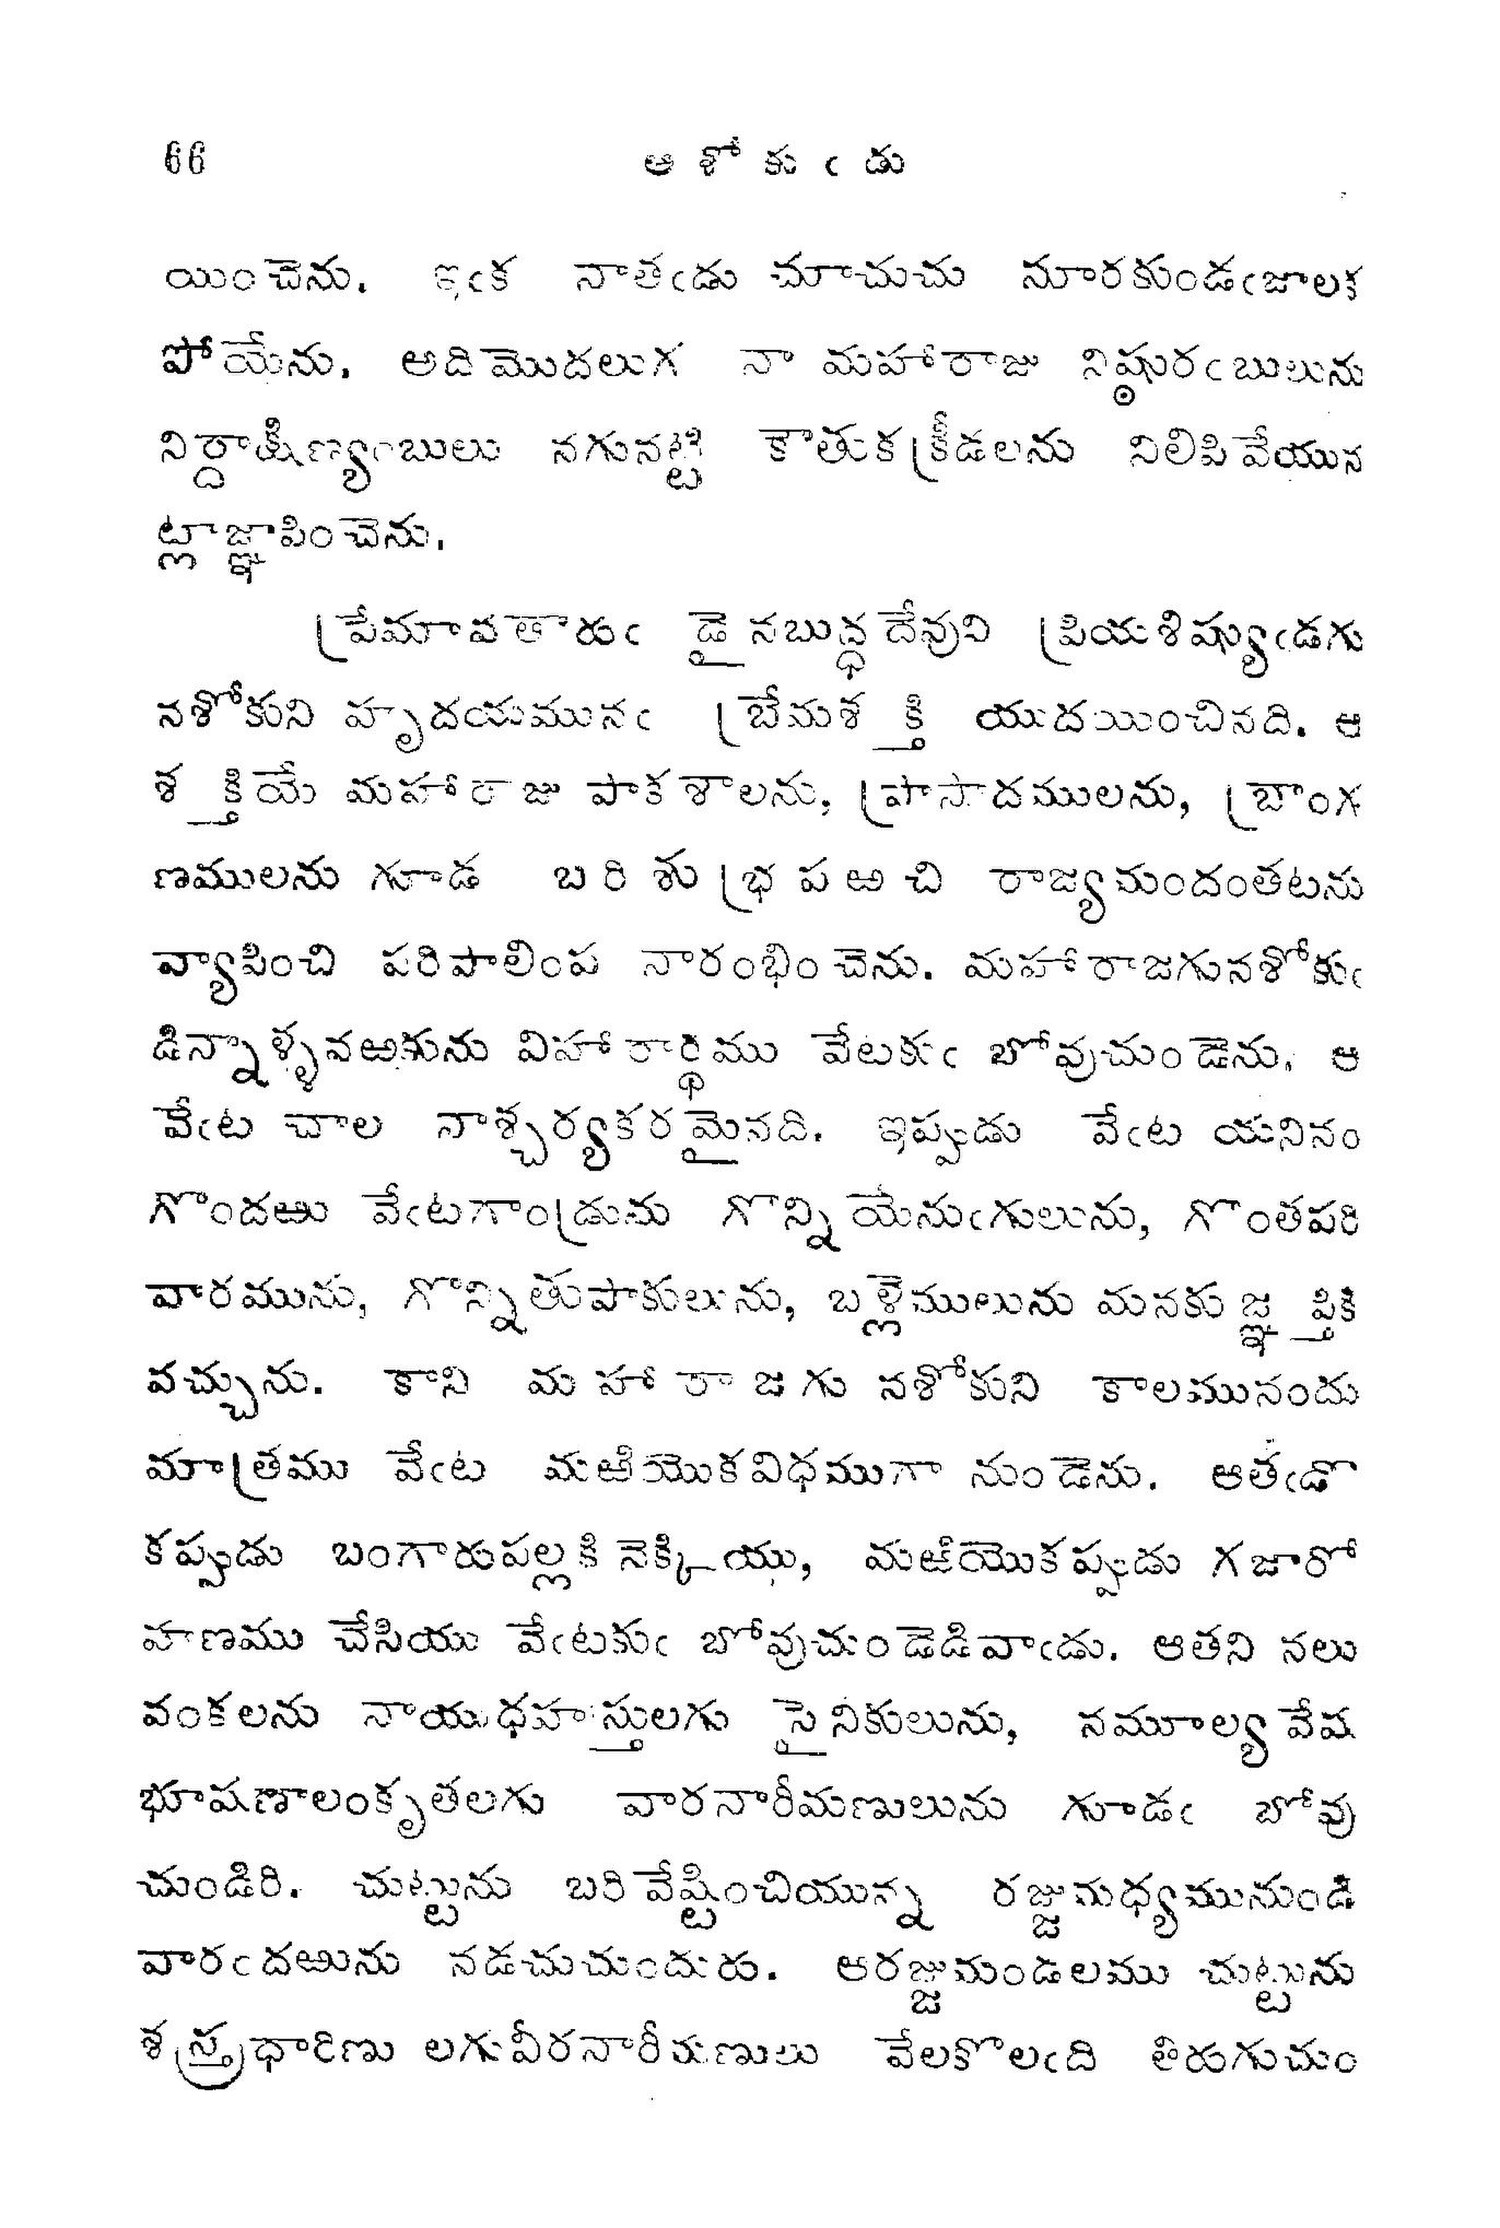యించెను. ఇఁక నాతఁడు చూచుచు నూరకుండఁజాలక పోయేను. అది మొదలుగ నా మహారాజు నిష్ఠురఁబులును నిర్దాక్షిణ్యంబులు నగునట్టి కౌతుక క్రీడలను నిలిపి వేయున
ట్లాజ్ఞాపించెను.

ప్రేమావ తారుఁ డైనబుద్ధదేవుని ప్రియశిష్యుఁడగు నశోకుని హృదయమునం బ్రేమశక్తి యుదయించినది. ఆ శక్తియే మహారాజు పాకశాలను, ప్రాసాదములను, బ్రాంగణములను గూడ బరిశుభ్ర పఱచి రాజ్య మందంతటను వ్యాపించి పరిపాలింప నారంభించెను. మహా రాజగునశోకుఁ డిన్నాళ్ళవఱకును విహారార్థము వేటకుఁ బోవుచుండెను, ఆ వేఁట చాల నాశ్చర్యకరమైనది. ఇప్పుడు వేఁట యనినం గొందఱు వేఁటగాండ్రును గొన్ని యేనుఁగులును, గొంతపరి వారమును, గొన్ని తుపాకులును, బల్లెములును మనకు జ్ఞప్తికి వచ్చును. కాని
మహా రాజగు నశోకుని కాలమునందు మాత్రము వేఁట మఱియొక విధముగా నుండెను. అతఁడొ
కప్పుడు బంగారుపల్లకి నెక్కియు, మఱియొకప్పుడు గజారోహణము చేసియు వేఁటకుఁ బోవుచుండెడివాఁడు. ఆతని నలువంకలను నాయుధహస్తులగు సైనికులును, నమూల్య వేష
భూషణాలంకృతలగు వార నారీమణులును గూడఁ బోవు చుండిరి. చుట్టును బరి వేష్టించియున్న రజ్జు మధ్యము నుండి వారఁ దఱును నడచుచుందురు. ఆరజ్జుమండలము చుట్టును శస్త్ర ధారిణు లగు వీరనారీమణులు వేలకొలఁది తిరుగుచుం